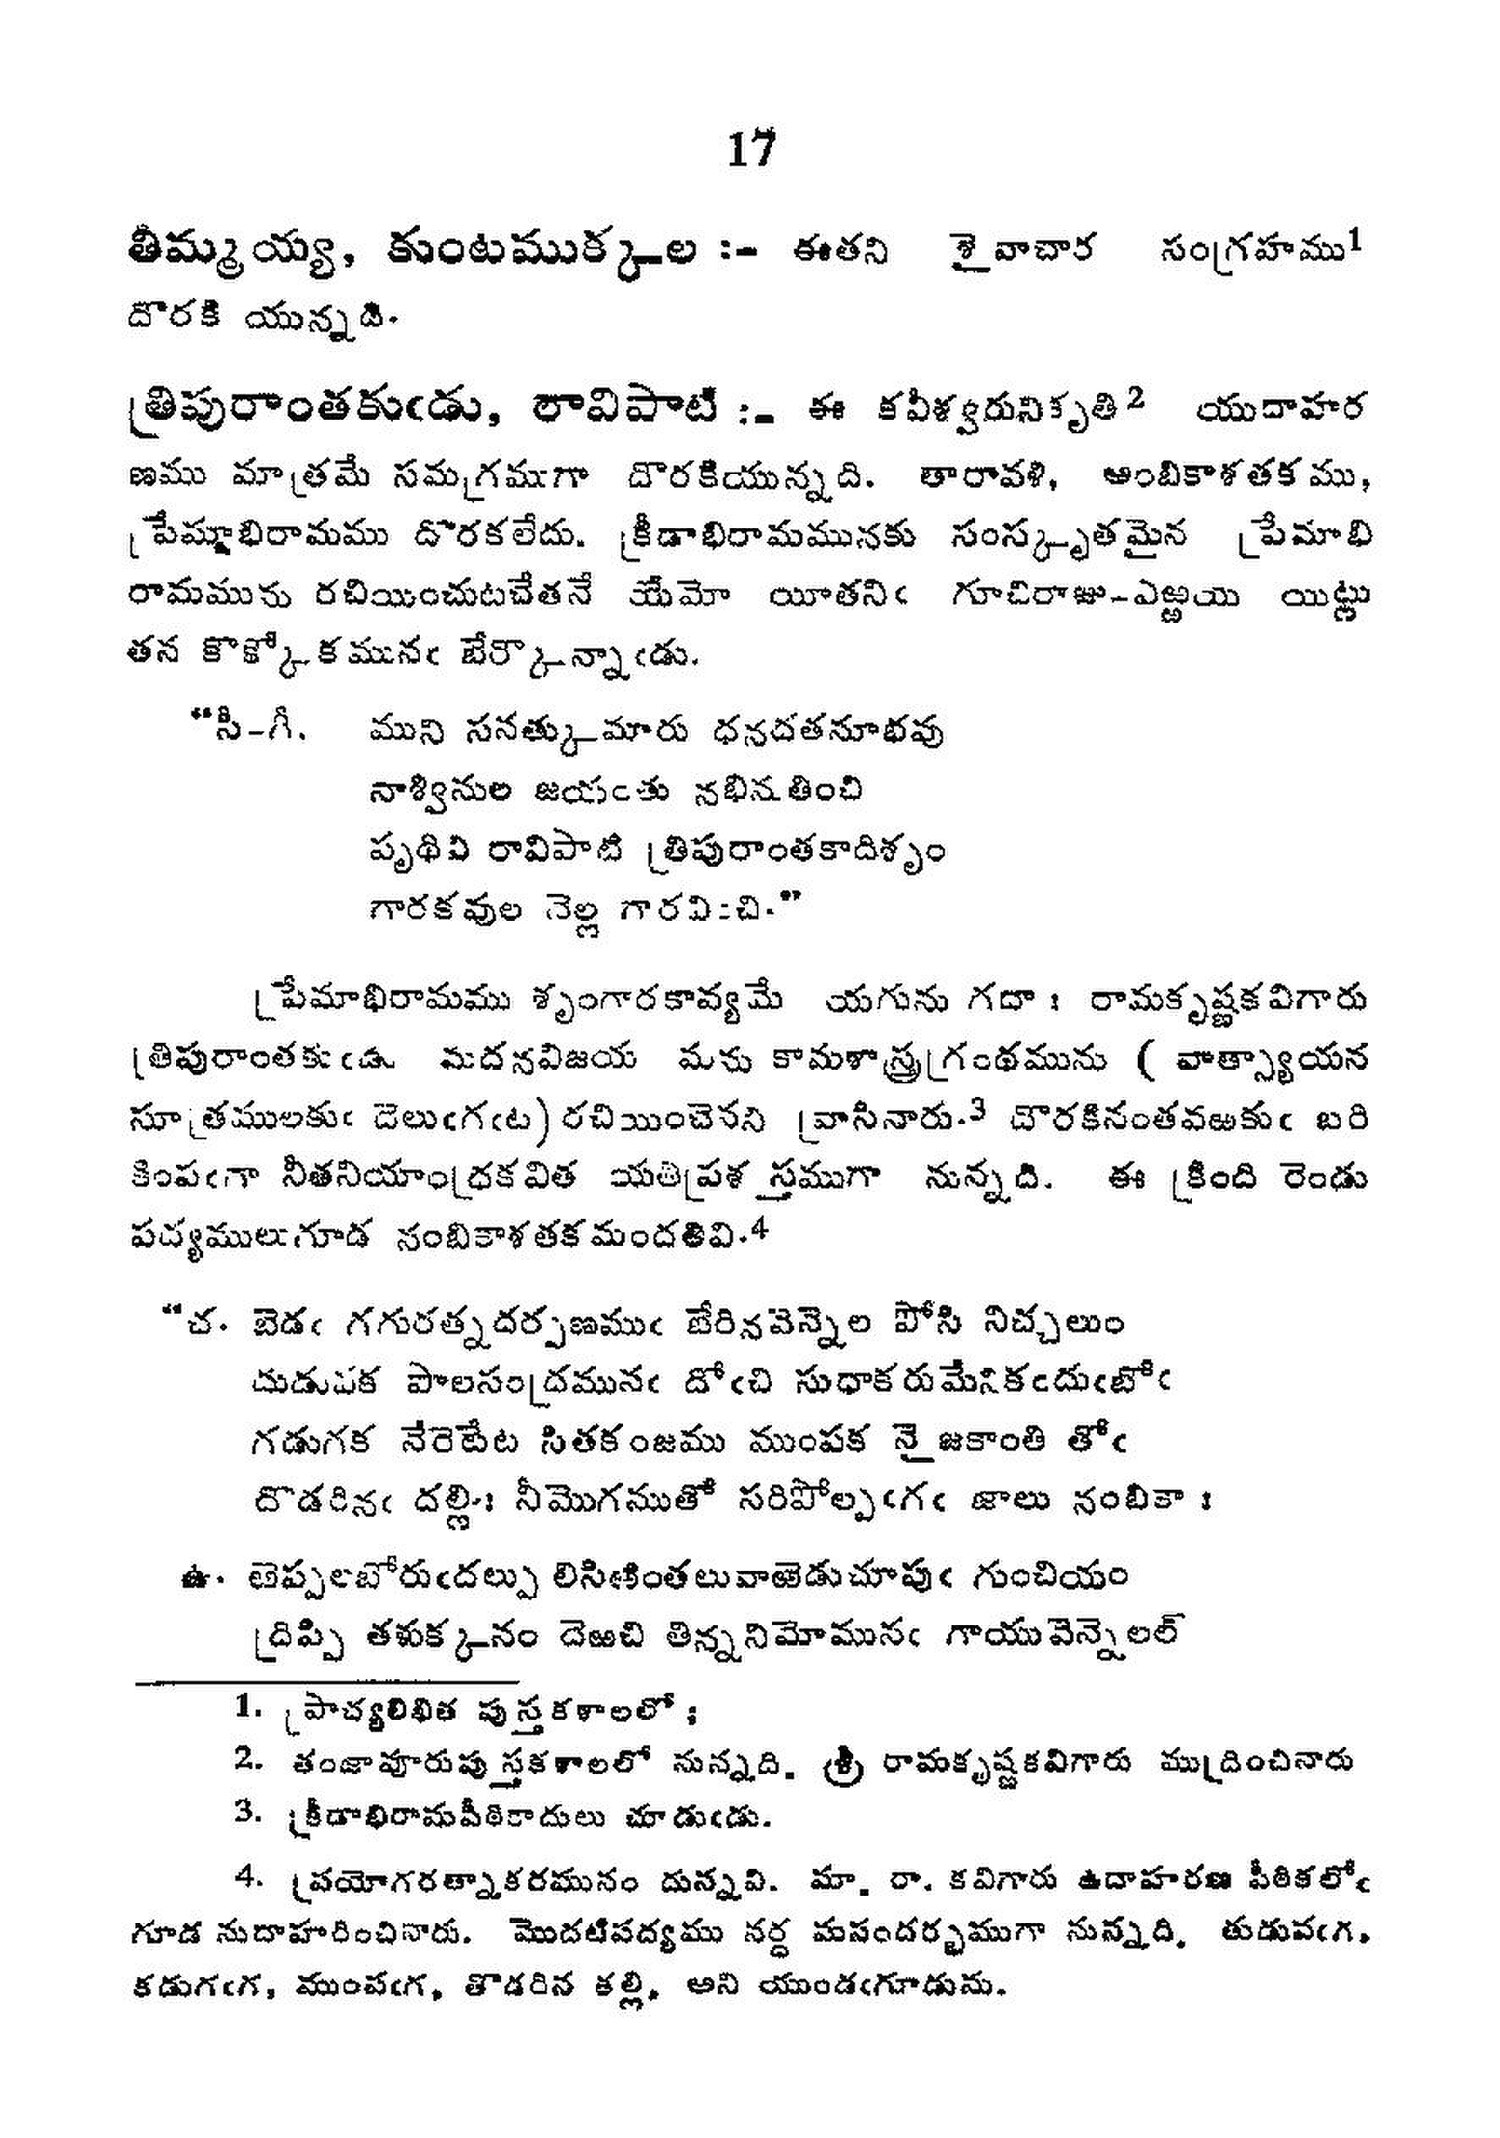తిమ్మయ్య, కుంటముక్కల :- ఈతని శైవాచార సంగ్రహము1దొరకి యున్నది.

త్రిపురాంతకుఁడు, రావిపాటి :. ఈ కవీశ్వరునికృతి 2 యుదాహర
ణము మాత్రమే సమగ్రముగా దొరకియున్నది. తారావళి, అంబికాశతకము,
పేమాభిరామము దొరకలేదు. క్రీడాభిరామమునకు సంస్కృతమైన ప్రేమాభి
రామమును రచియించుటచేతనే యేమో యీతనిఁ గూచిరాజు - ఎఱయి యిట్లు
తన కొక్కోకమునఁ బేర్కొన్నాఁడు.

“సి-గీ, ముని సనత్కుమారు ధనదతనూభవు
నాశ్వినుల జయంతు నభిన తించి
పృథివి రావిపాటి త్రిపురాంతకాదిశృం
గారకవుల నెల్ల గౌరవించి."

ప్రేమాభిరామము శృంగారకావ్యమే యగును గదా ! రామకృష్ణకవిగారు
త్రిపురాంతకు (డు మదనవిజయ మను కామశాస్త్ర గ్రంథమును ( వాత్స్యాయన
సూత్రఘులకుఁ దెలుఁగఁట) రచియించెనని వ్రాసినారు. 3 దొరకినంతవఱకుఁ బరి
కింపఁగా నీతనీయాంధ్రకవిత యతిప్రశస్తముగా నున్నది. ఈ క్రింది రెండు
పద్యములు గూడ సంబికాశతకమందలివి.4

“చ. బెడఁ గగురత్నదర్పణముఁ బేరిన వెన్నెల పోసి నిచ్చలుం
దుడుపక పాలసంద్రమునఁ దోఁచి సుధాకరుమేనికందుఁబోఁ
గడుగక నేరెటేట సితకంజము ముంపక నై జకాంతి తోఁ
దొడరినఁ దల్లి ! నీ మొగముతో సరిపోల్పఁగఁ జాలు నంబికా !

ఉ. టెప్పలబోరుఁదల్పు లిసిటింతలు వాటెడుచూపుఁ గుంచియం
ద్రిప్పి తళుక్కనం దెఱచి తిన్న నిమోమునఁ గాయు వెన్నెలల్

1. 
2. 
3. 
4.